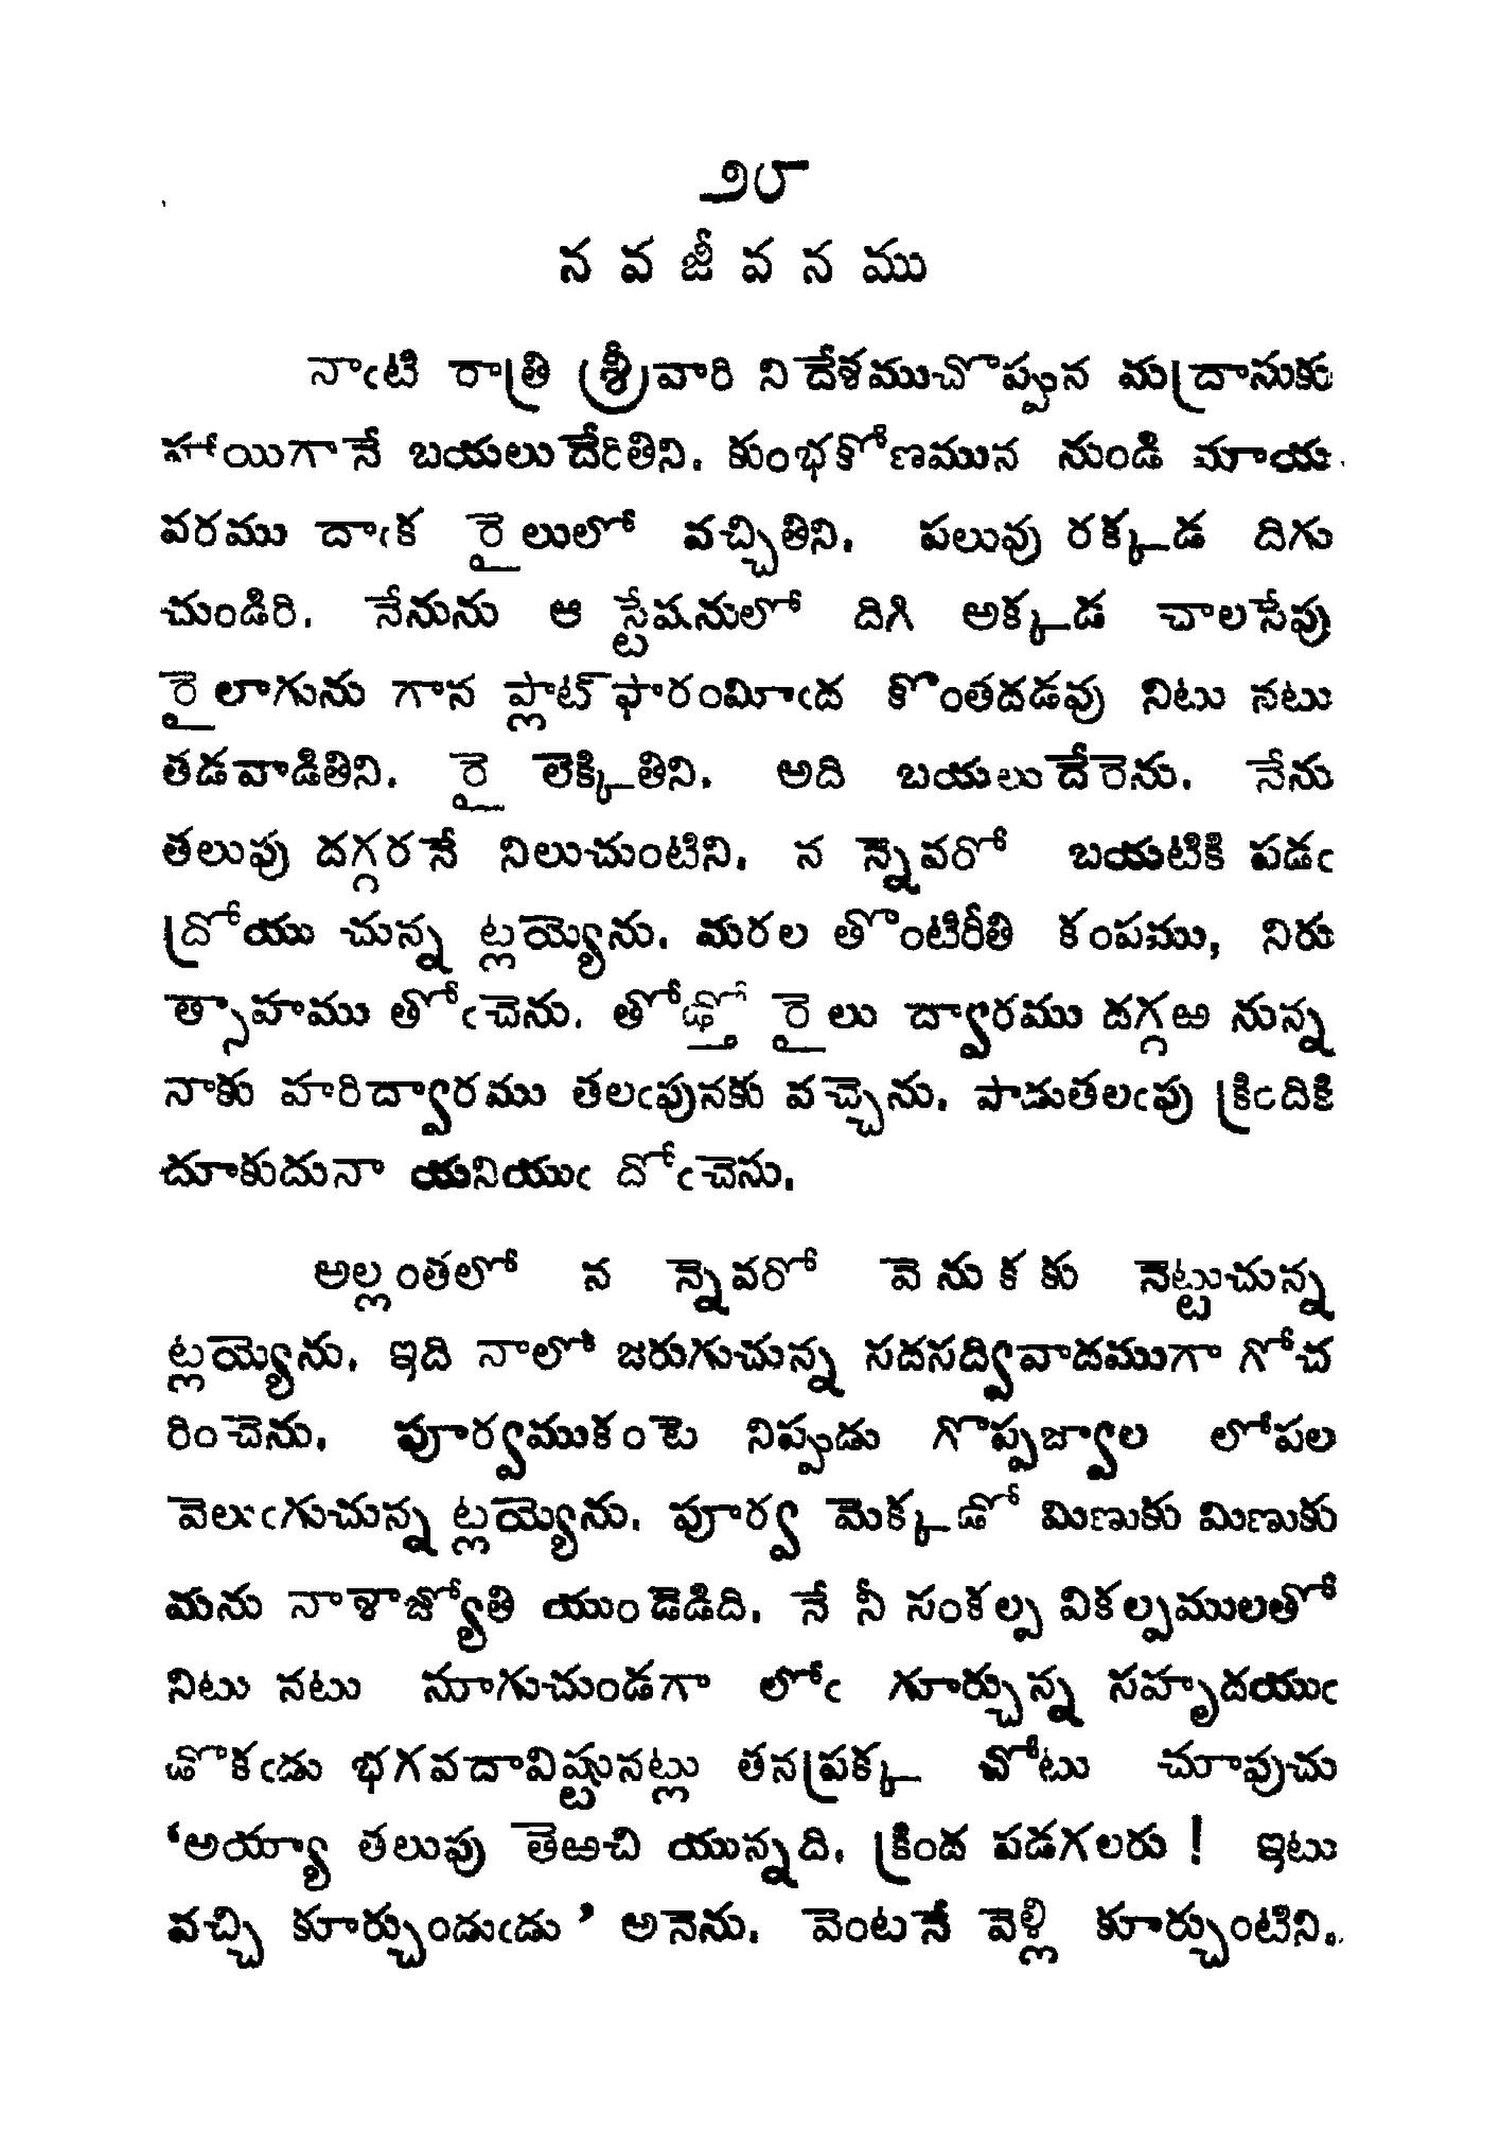నాఁటి రాత్రి శ్రీవారి ని దేశముచొప్పున మద్రాసుకు హాయిగా నే బయలు దేరితిని. కుంభకోణమున నుండి మాయవరము దాఁక రైలులో వచ్చితిని. పలువు రక్కడ దిగిచుండిరి. నేనును ఆ స్టేషనులో దిగి అక్కడ చాలాసేపు రైలాగును గాన ప్లాట్ ఫారం మిఁద కొంతదడవు నిటు నటు తడవాడితిని. రైలెక్కి తిని. అది బయలు దేరెను. నేను తలుపు దగ్గరనే నిలుచుంటిని. న న్నెవరో బయటికి పడఁద్రోయు చున్నట్లయ్యెను. మరల తొంటిరీతి కంపము, నిరుత్సాహము తోఁ చెను. తోడ్తో రైలు ద్వారము దగ్గఱ నున్న నాకు హరి ద్వారము తలఁ పునకు వచ్చెను. పాడు తలఁపు క్రిందికి దూకుదునా యనియుఁ దోఁచెను.

అల్లంతలో న న్నెవరో వెనుకకు నెట్టిచున్నట్లయ్యెను. ఇది నాలో జరుగుచున్న సదసద్వి వాదముగా గోచరించెను. పూర్వము కంటె నిప్పుడు గొప్ప జ్వాల లోపల వెలుఁగుచున్న ట్లయ్యెను. పూర్వ మెక్కడోమిణుకు మిణుకు మను నాశా జ్యోతి యుండెడిది. నే నీ సంకల్ప వికల్పములతో నిటు నటు నూగుచుండగా లోఁ గూర్చున్న సహృదయుఁ డొకఁడు భగవదావిష్టునట్లు తన ప్రక్క చోటు చూపుచు ' అయ్యా తలుపు తెఱచి యున్నది. క్రింద పడగలరు! ఇటు వచ్చి కూర్చుండుఁడు' అనెను. వెంటనే వెళ్ళి కూర్చుంటిని.